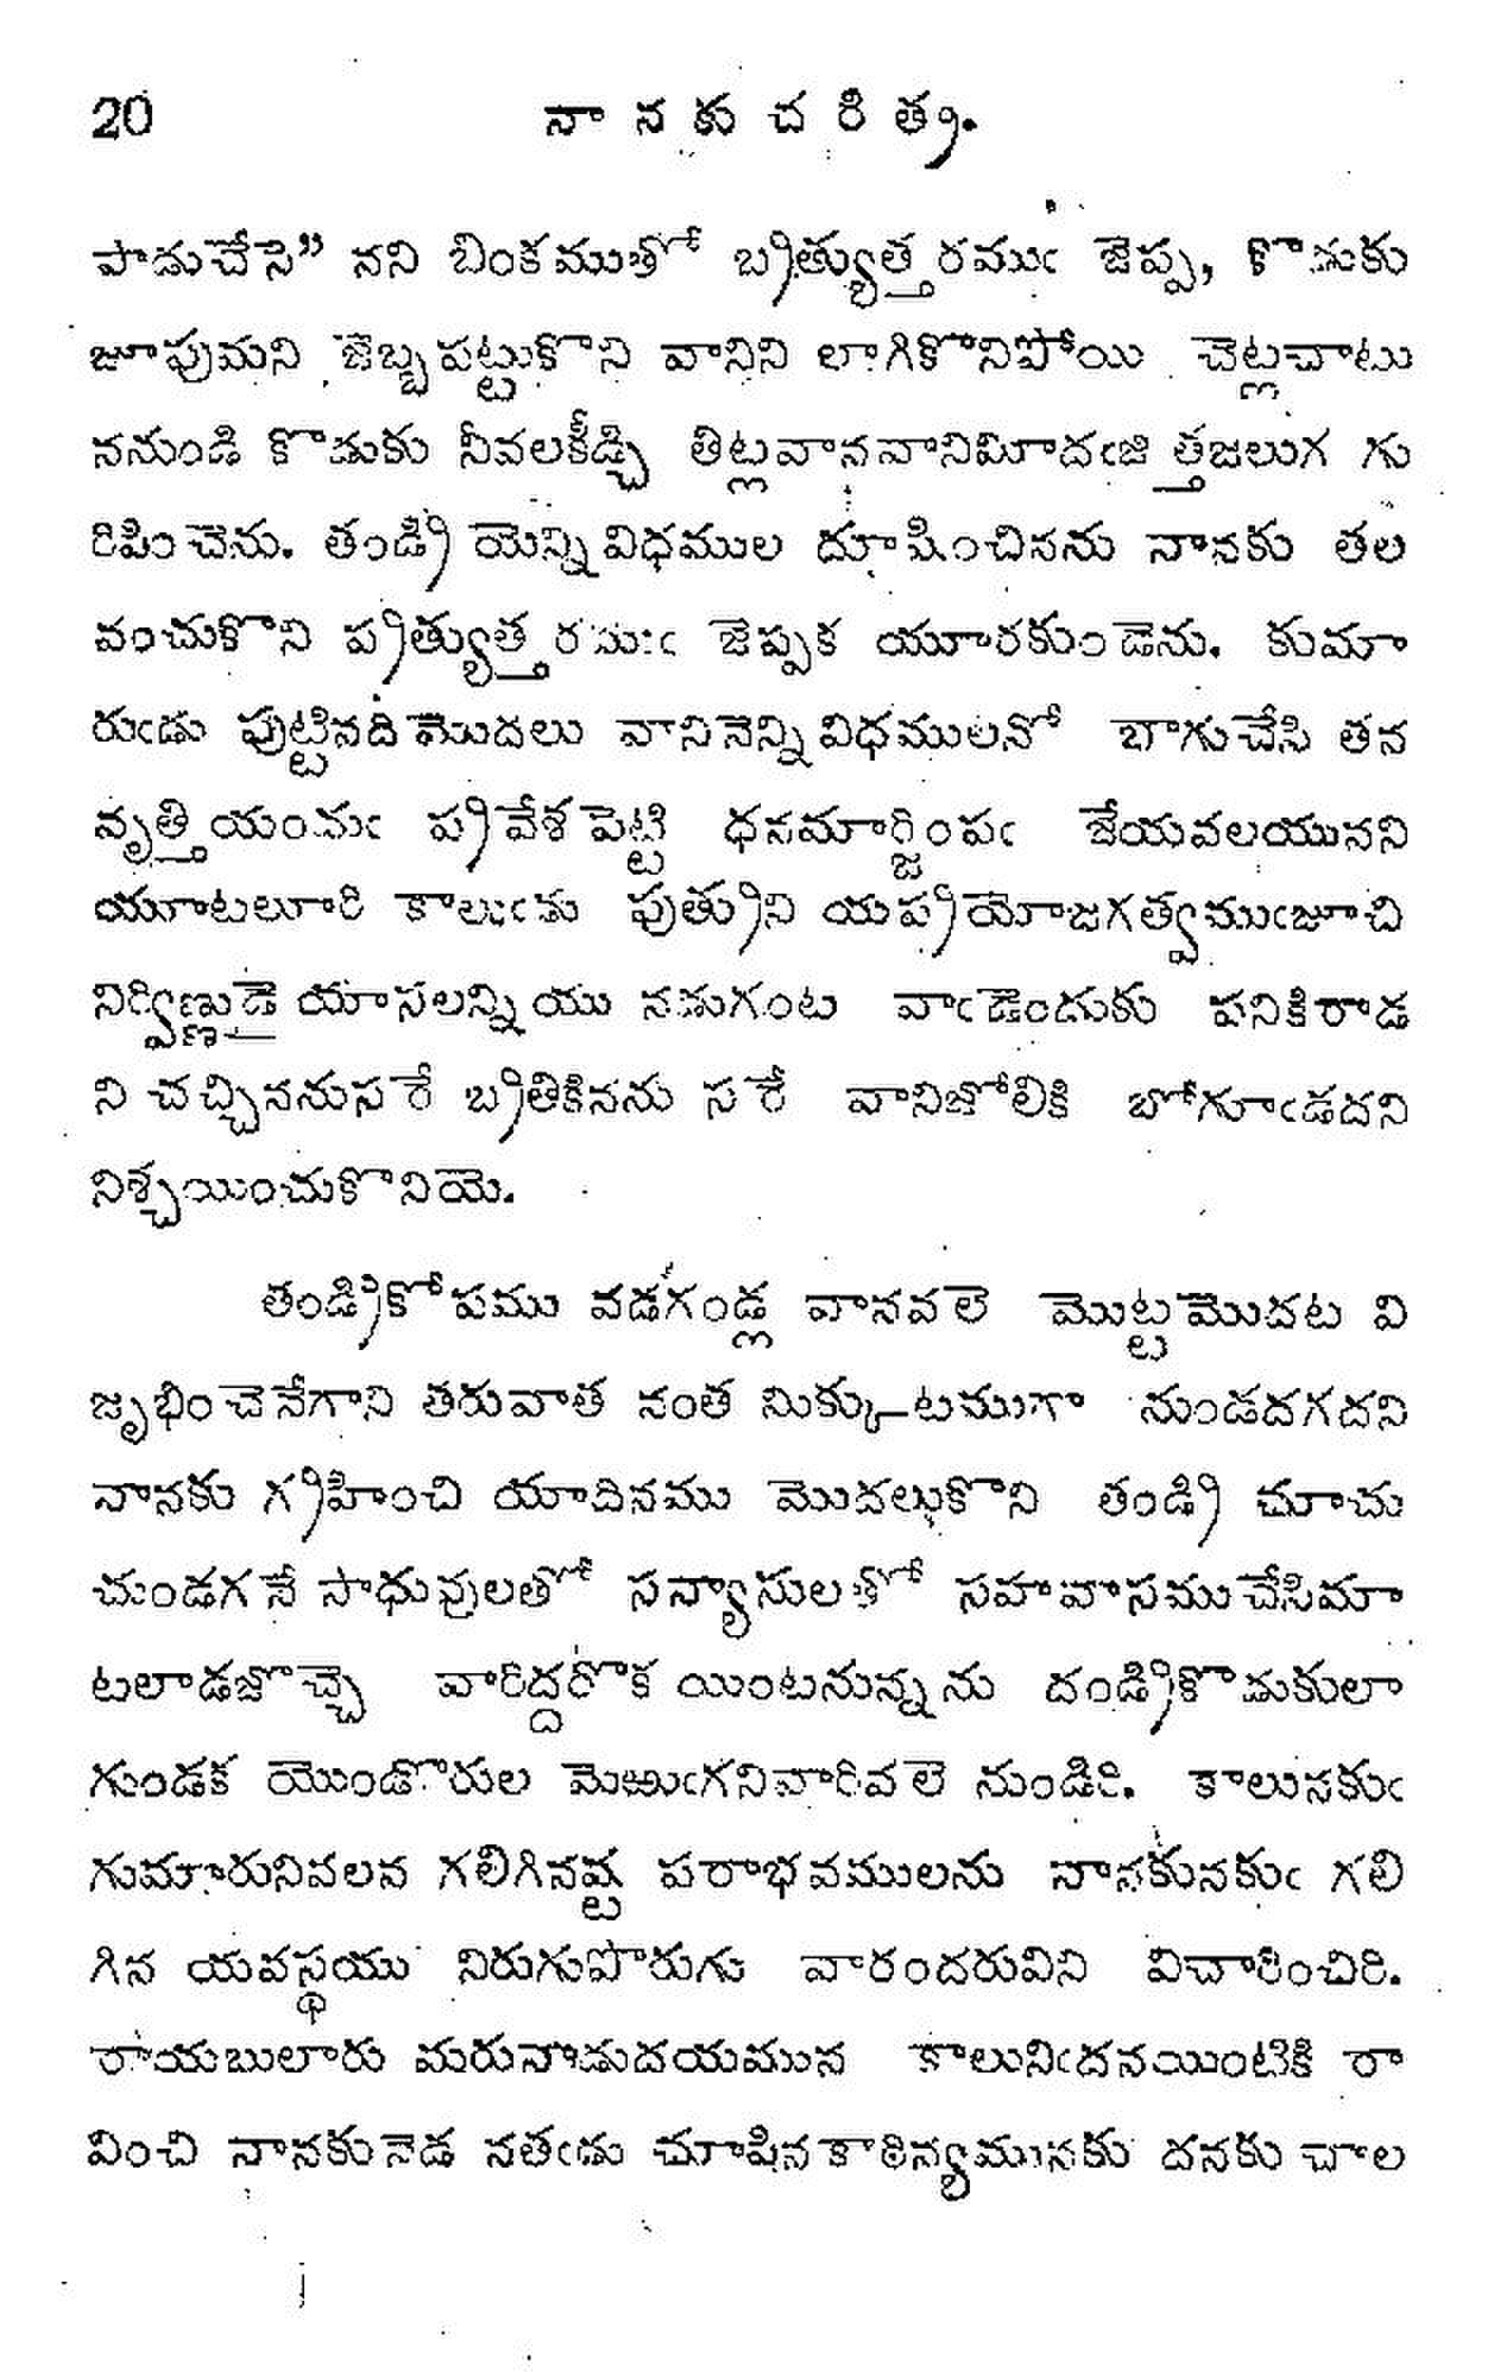పాడుచేసె" నని బింకముతో బ్రత్యుత్తరము జెప్ప, కొడుకు జూపుమని జెబ్బపట్టుకొని వానిని లాగికొనిపోయి చెట్లచాటుననుండి కొడుకు నీవలకీడ్చి తిట్లవానవానిమీదజిత్తజలుగ గురిపించెను. తండ్రి యెన్నివధముల దూషించినను నానకు తలవంచుకొని ప్రత్యుత్తరము జెప్పక యూరకుండెను. కుమారుడు పుట్టినదిమొదలు వానినెన్నివిధములనో బాగుచేసి తనవృత్తియందు ప్రవేశపెట్టి ధనమార్జింప జేయవలయునని యూటలూరి కాలుడు పుత్రుని యప్రయోజగత్వముజూచి నిర్విణ్ణుడై యాసలన్నియు నడుగంట వాడెందుకు పనికిరాడని చచ్చిననుసరే బ్రతికినను సరే వానిజోలికి బోగూడదని నిశ్చయించుకొనియె.

తండ్రికోపము వడగండ్ల వానవలె మొట్టమొదట విజృభించెనేగాని తరువాత నంత మిక్కుటముగా నుండదగదని నానకు గ్రహించి యాదినము మొదలుకొని తండ్రి చూచుచుండగనే సాధువులతో సన్యాసులతో సహవాసము చేసి మాటలాడజొచ్చె వారిద్దరొక యింటనున్నను దండ్రికొడుకులా గుండక యొండొరుల మెఱుగనివారివలె నుండిరి. కాలునకు గుమారునివలన గలిగినష్ట పరాభవములను నానకునకు గలిగిన యవస్థయు నిరుగుపొరుగు వారందరువిని విచారించిరి. రాయబులారు మరునాడుదయమున కాలునిదనయింటికి రావించి నానకునెడ నతడు చూపినకాఠిన్యమునకు దనకు చాల